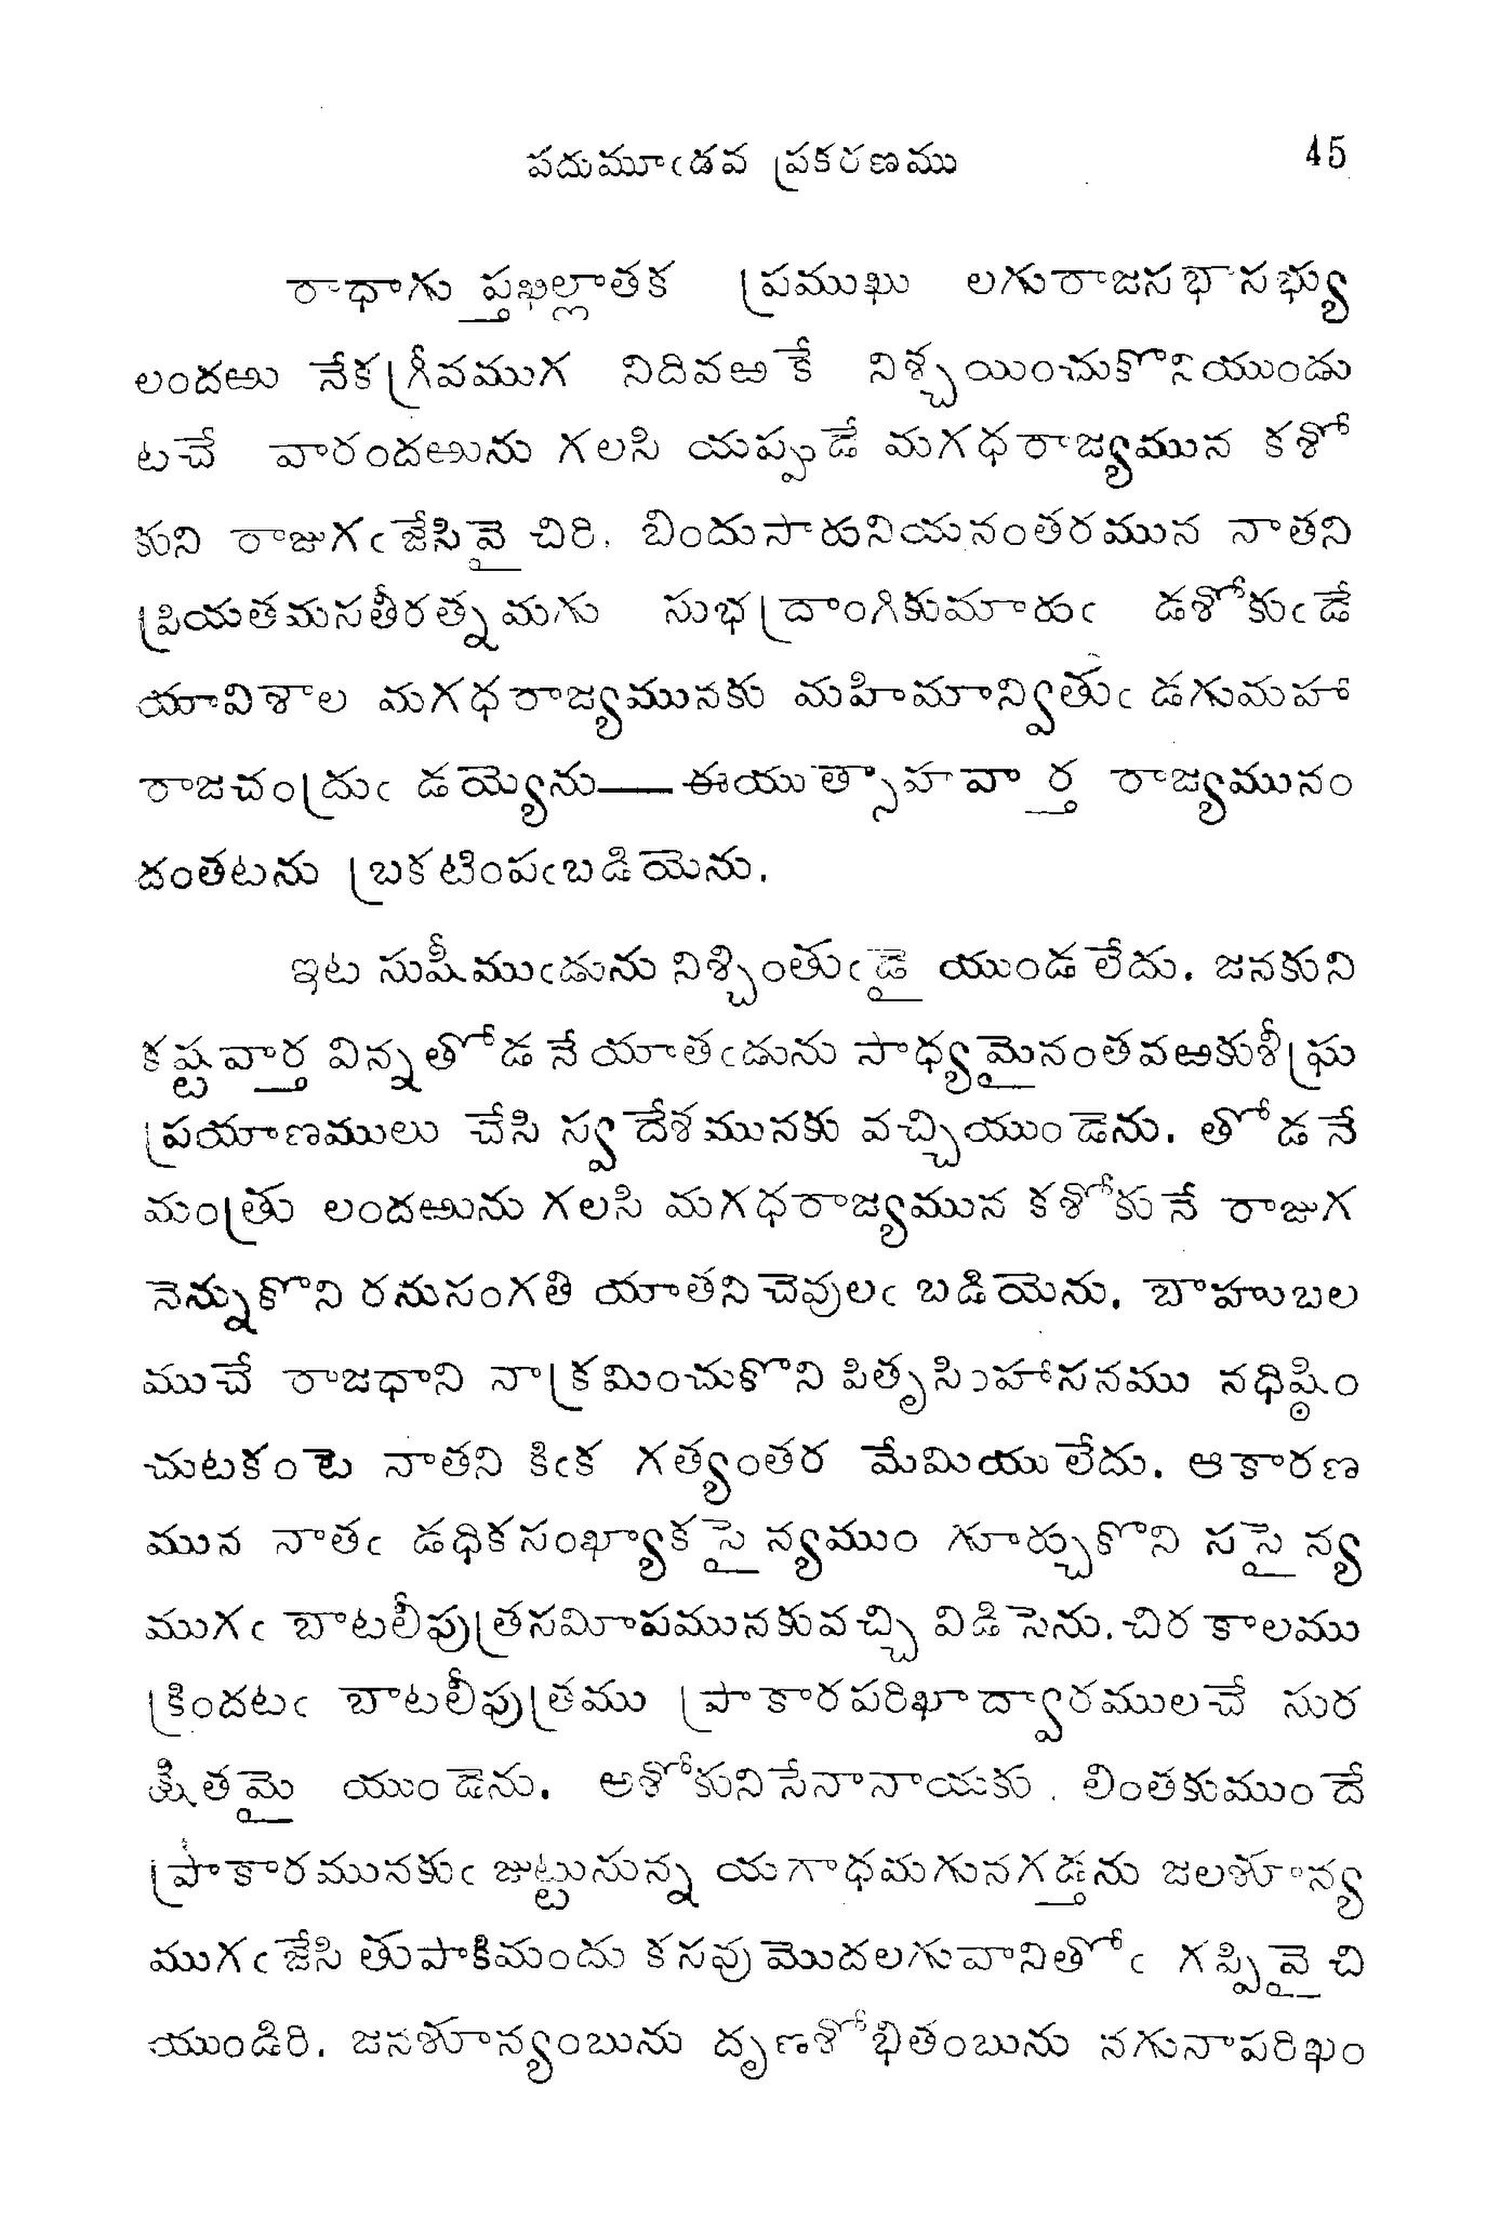రాధాగు ప్తఖల్లాతక ప్రముఖు లగు రాజసభాసభ్యులందఱు నేక గ్రీవముగ నిదివఱకే నిశ్చయించుకొని యుండుటచే వారందఱును గలసి యప్పుడే మగధ రాజ్యమున కశోకుని రాజుగఁ జేసి వైచిరి. బిందుసారునియనంతరమున నాతని ప్రియతమసతీరత్నమగు సుభద్రాంగి కుమారుఁ డశోకుఁడే యావిశాల మగధ రాజ్యమునకు మహిమాన్వితుఁ డగుమహా రాజచంద్రుఁ డయ్యెను— ఈయుత్సాహవార్త రాజ్యమునందంతటను బ్రక టింపఁబడియెను.

ఇట సుషీముఁడును నిశ్చింతుఁ డై యుండ లేదు. జనకుని కష్ట వార్త విన్న తోడనే యాతఁడును సాధ్యమైనంతవఱకు శీఘ్ర ప్రయాణములు చేసి స్వదేశమునకు వచ్చియుండెను. తోడనే మంత్రు లందఱును గలసి మగధరాజ్యమున కశోకునే రాజుగ నెన్నుకొని రనుసంగతి యాతని చెవులఁ బడియెను. బాహుబలముచే రాజధాని నాక్రమించుకొని పితృసింహాసనము నధిష్టించుటకంటె నాతని కిఁక గత్యంతర మేమియు లేదు. ఆ కారణమున నాతఁ డధిక సంఖ్యాక సైన్యముం గూర్చుకొని ససైన్యముగఁ బాటలీపుత్రసమిపమునకు వచ్చి విడిసెను. చిర కాలము క్రిందటఁ బాటలీపుత్రము ప్రాకార పరిఖా ద్వారములచే సురక్షితమై యుండెను. అశోకుని సేనానాయకు లింతకుముందే ప్రాకారమునకుఁ జుట్టునున్న యగాధమగునగడ్తను జలశూన్యముగఁ జేసి తుపాకిమందు కసవు మొదలగువానితోఁ గప్పివై చి యుండిరి. జసశూన్యంబును దృణశోభితంబును నగునా పరిఖం